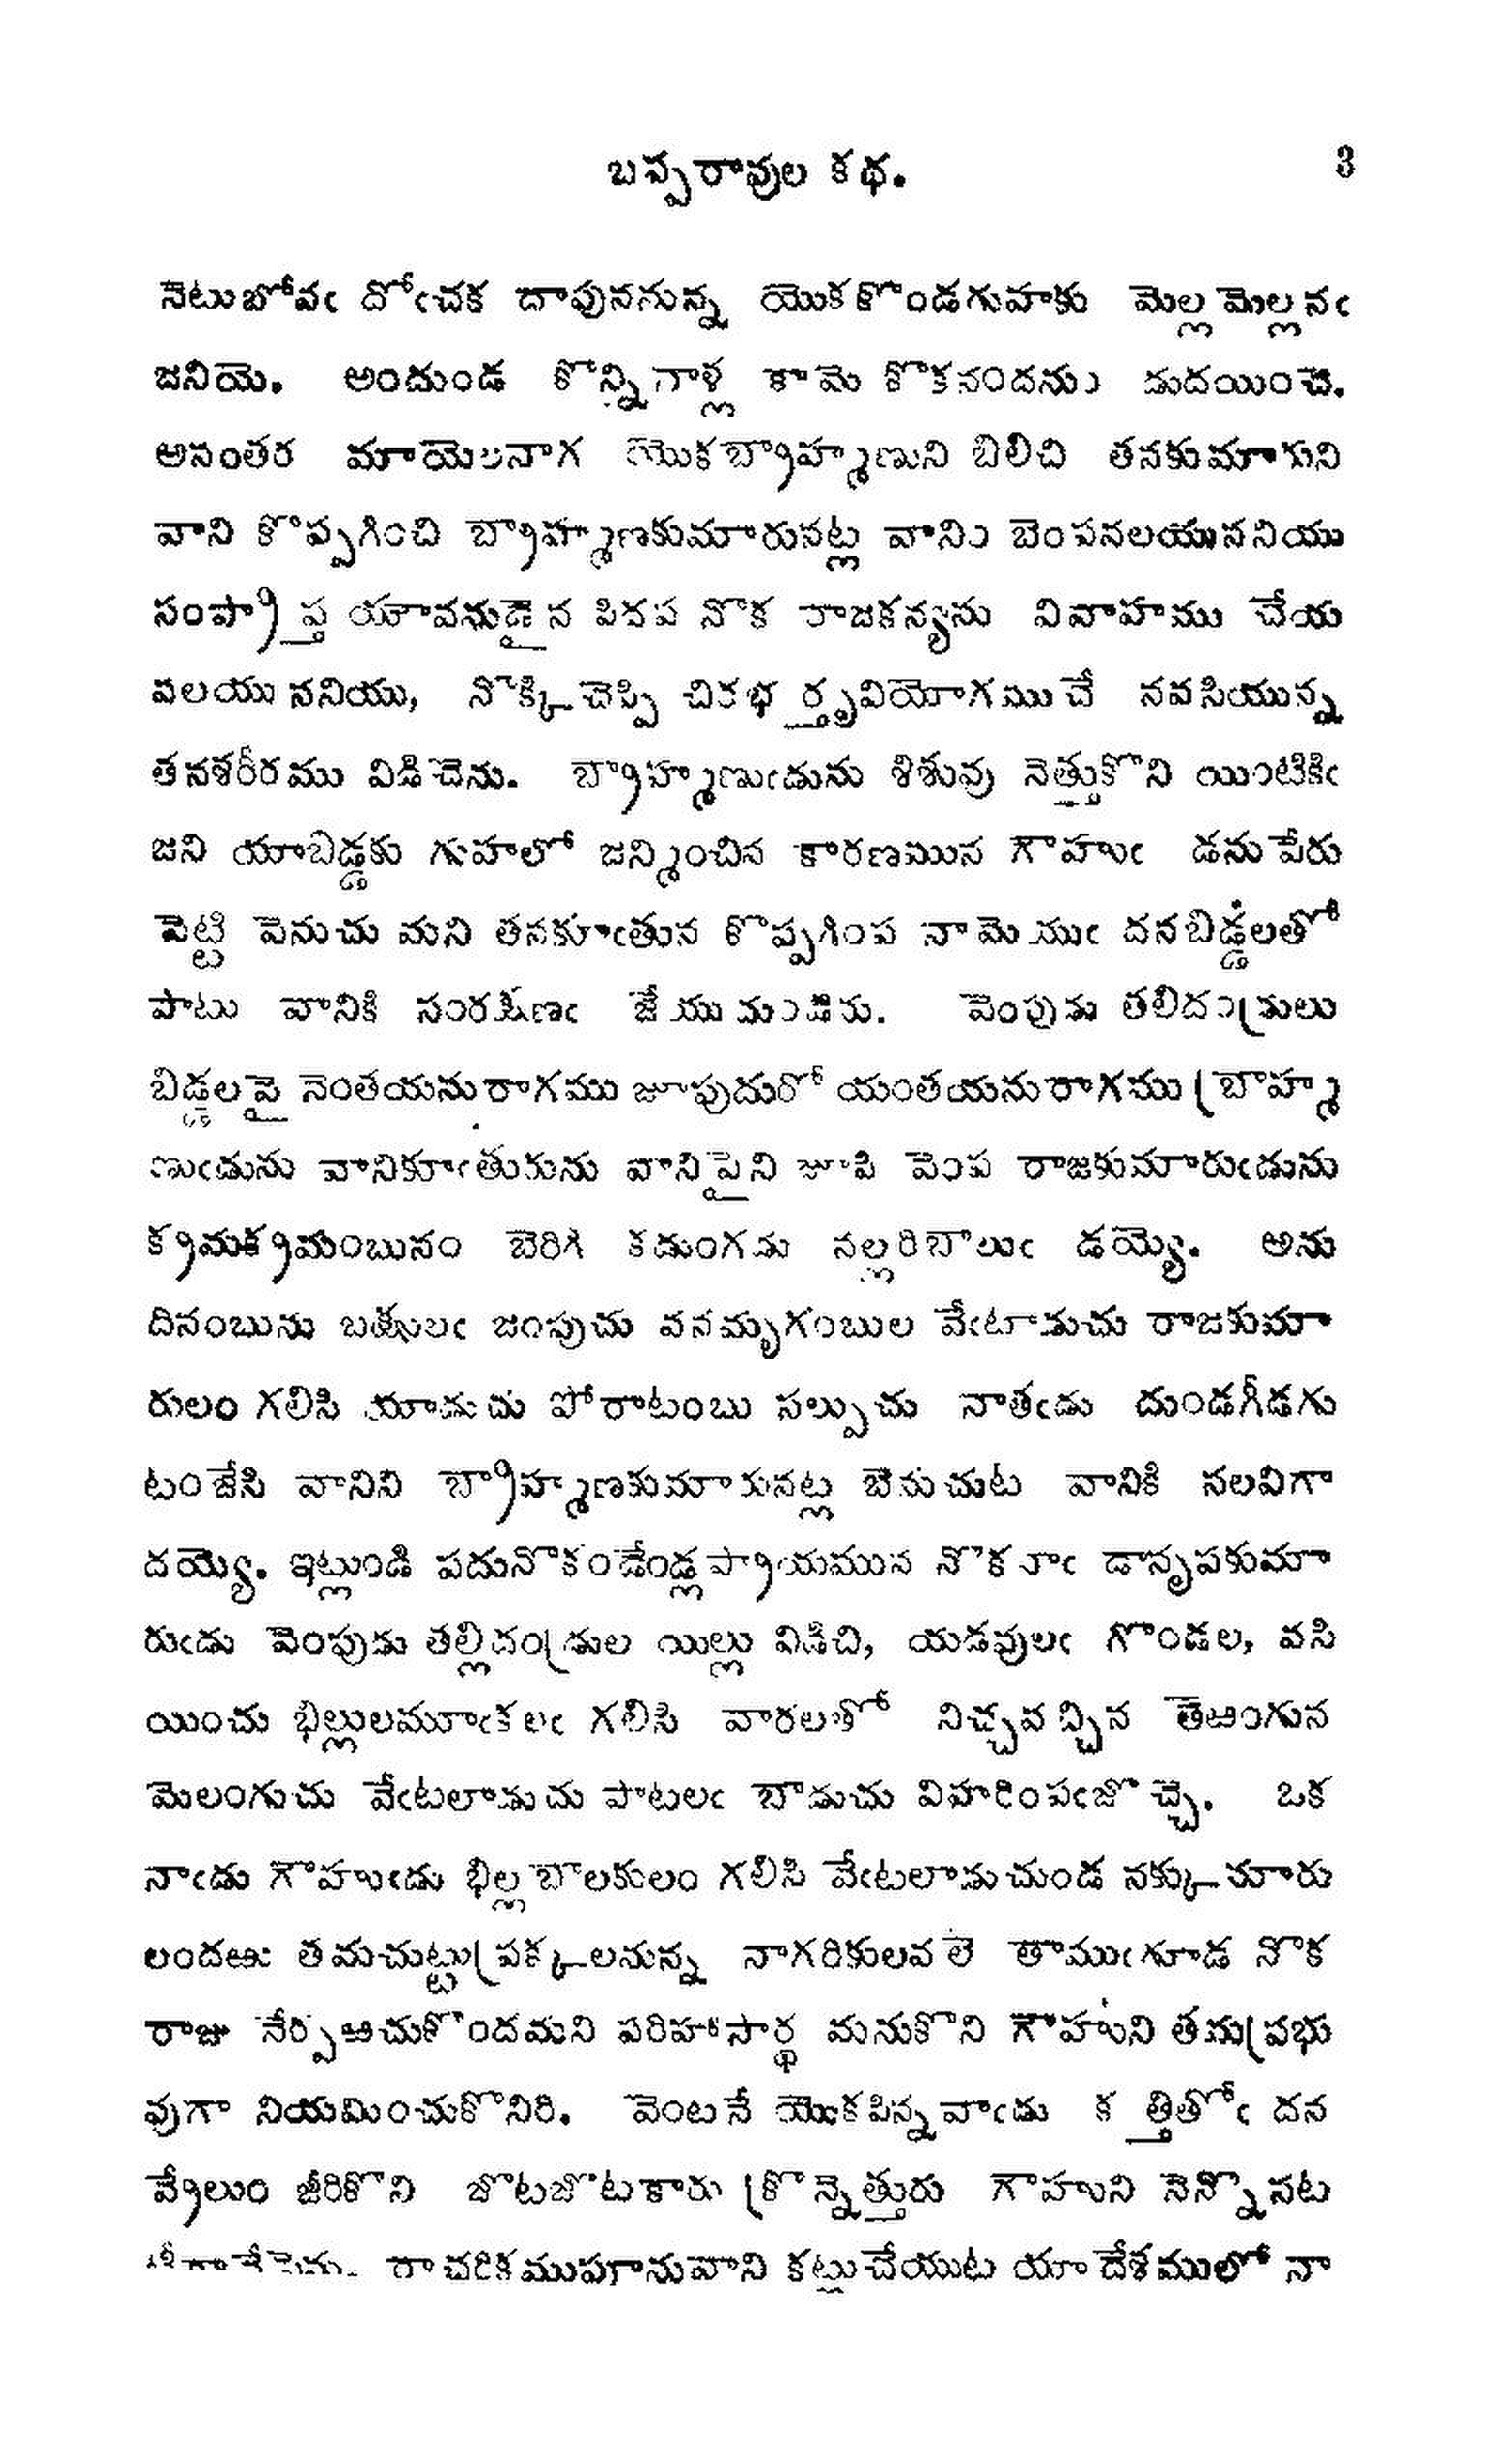నెటుబోవఁ దోఁచక దాపుననున్న యొక కొండగుహకు మెల్ల మెల్లనఁ జనియె.అందుండ కొన్ని నాళ్ల కామె కొక నందనుం డుదయించె. అనంతర మాయెలనాగ యొక బ్రాహ్మణుని బిలిచి తనకుమారుని వాని కొప్పగించి బ్రాహ్మణకుమారునట్ల వానిం బెంపవలయుననియు సంప్రాప్త యౌవనుడైన పిదప నొక రాజకన్యను వివాహము చేయవలయు ననియు, నొక్కి చెప్పి చిరభర్తృవియోగముచే నవసియున్న తనశరీరము విడిచెను. బ్రాహ్మణుఁడును శిశువు నెత్తుకొని యింటికిఁ జని యాబిడ్డకు గుహలో జన్మించిన 'కారణమున గౌహుఁ డను పేరు
పెట్టి వెనుచు మని తనకూతుఁన కొప్పగింప నామెయుఁ దన బిడ్డలతో పాటు వానికి సంరక్షణఁ జేయుచుండెను. పెంపుడు తలిదండ్రులు బిడ్డలపై నెంతయను రాగము జూపుదురో యంతయనురాగము బ్రాహ్మణుఁడును వానికూఁతురును వాని పైని జూపి వెంప రాజ కుమారుఁడును క్రమక్రమంబునం బెరిగి కడుంగడు నల్లరిబాలుఁ డయ్యె. అను దినంబును బక్షులఁ జంపుచు వనమృగంబుల వేఁటాడుచు రాజకుమారులం గలిసి యాడుచు పోరాటంబు సల్పుచు నాతఁడు దుండగీడగుటం జేసి వానిని బ్రాహ్మణకుమారునట్ల బెనుచుట వానికి నలవిగాదయ్యె. ఇట్లుండి పదునొకండేండ్ల ప్రాయమున నొకనాఁడానృపకుమారుఁడు వెంపుడు తల్లిదండ్రుల యిల్లు విడిచి, యడవులఁ గొండల, వసియించు భిల్లులమూఁకలఁ గలిసి వారలతో నిచ్చవచ్చిన తెఱంగున మెలంగుచు వేఁటలాడుచు పాటలఁ బాడుచు విహరింపఁ జొచ్చె. ఒకనాఁడు గౌహుఁడు భిల్ల బాలకులం గలిసి వేఁటలాడుచుండ నక్కు మారు లందఱు తమచుట్టు పక్కలనున్న నాగరికులవలె తాముఁ గూడ నొకరాజు 'నేర్పఱచుకొందమని పరిహాసార్థ మనుకొని గౌహుని తమ ప్రభువుగా నియమించుకొనిరి. వెంటనే యొక పిన్నవాఁడు కత్తితోఁ దన వ్రేలుం జీరికోని బొటభొటకారు కొన్నెత్తురు గౌహుని నెన్నొసట టీగావేసెను. రాచరిక ముపూనువాని కట్లు చేయుట యా దేశములో నా